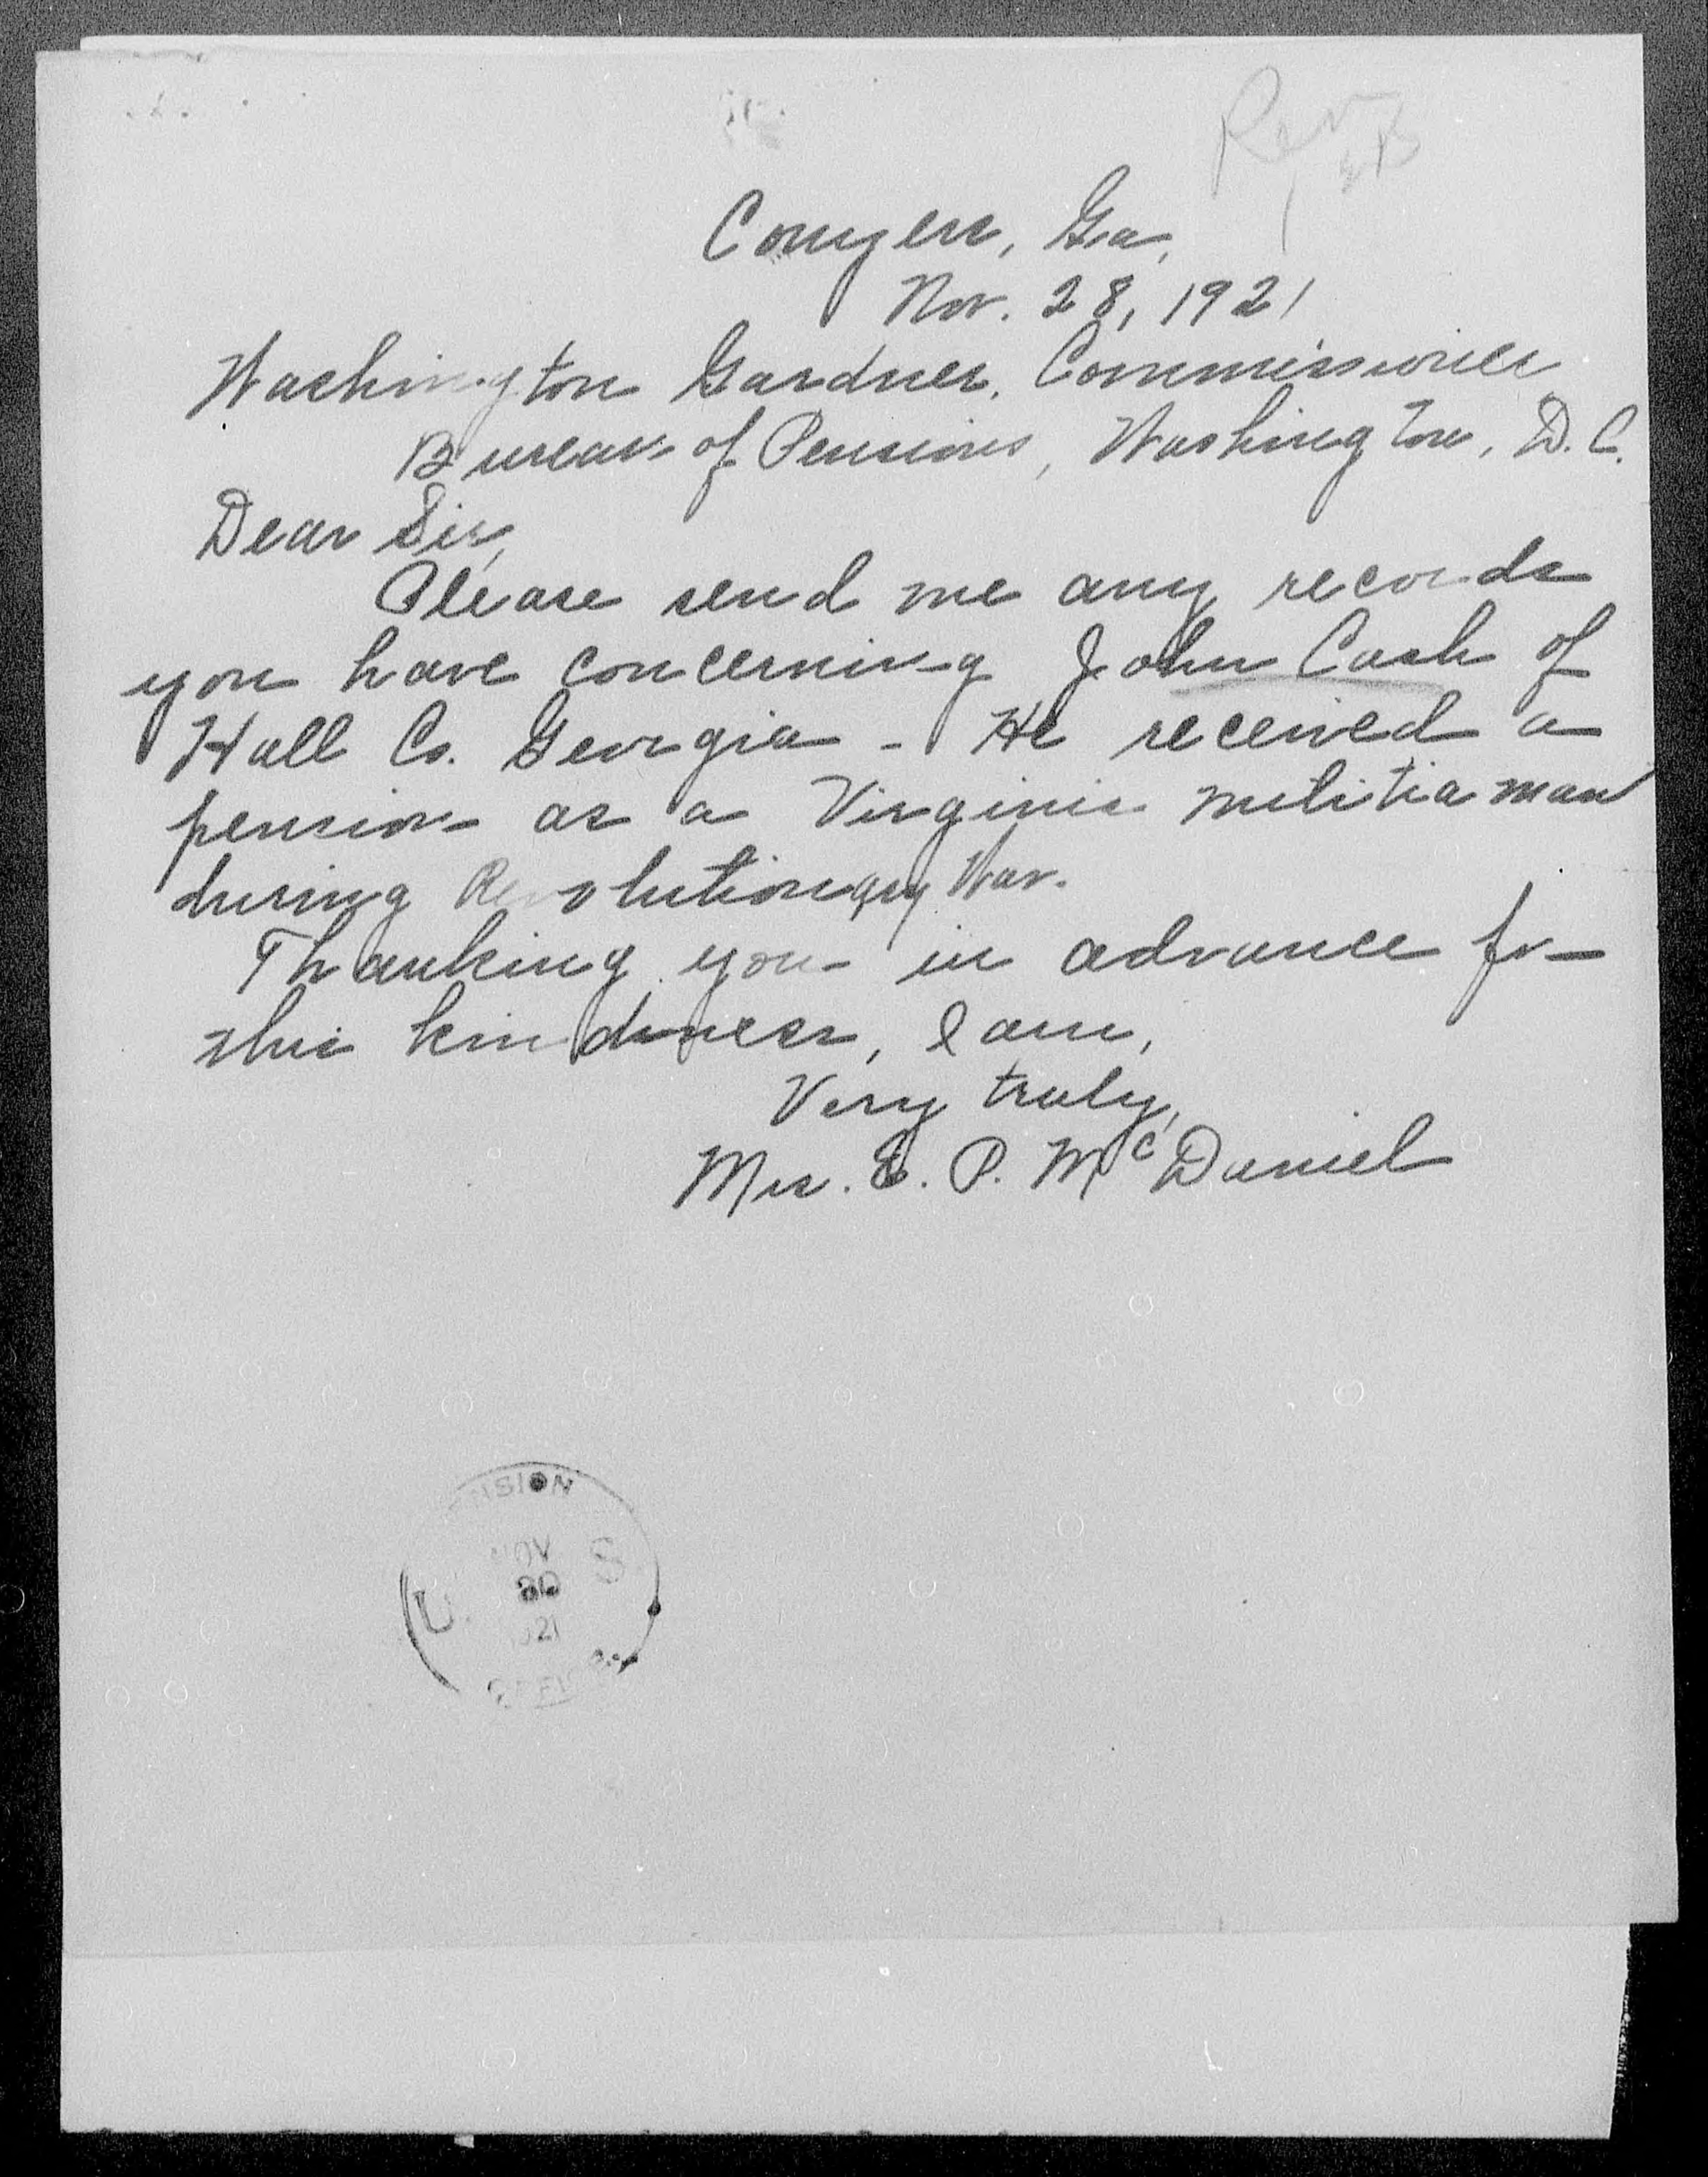Conyer, Ga
Nov. 28, 1921
Washington Gardner, Commissioner
Bureau of Pensions, Washington, D.C.
Dear Sir
Please send me any records you have concerning John Cash of Hall Co. Georgia. He received a pension as a Virginia militiaman during the Revolutionary War.
Thanking you in advance for this kindness, I am
Very truly
Mrs. E.P. McDaniel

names: John Cash, E P Mc Daniel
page: 73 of 73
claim: widow's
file: W. 5,894, John Cash, Va.